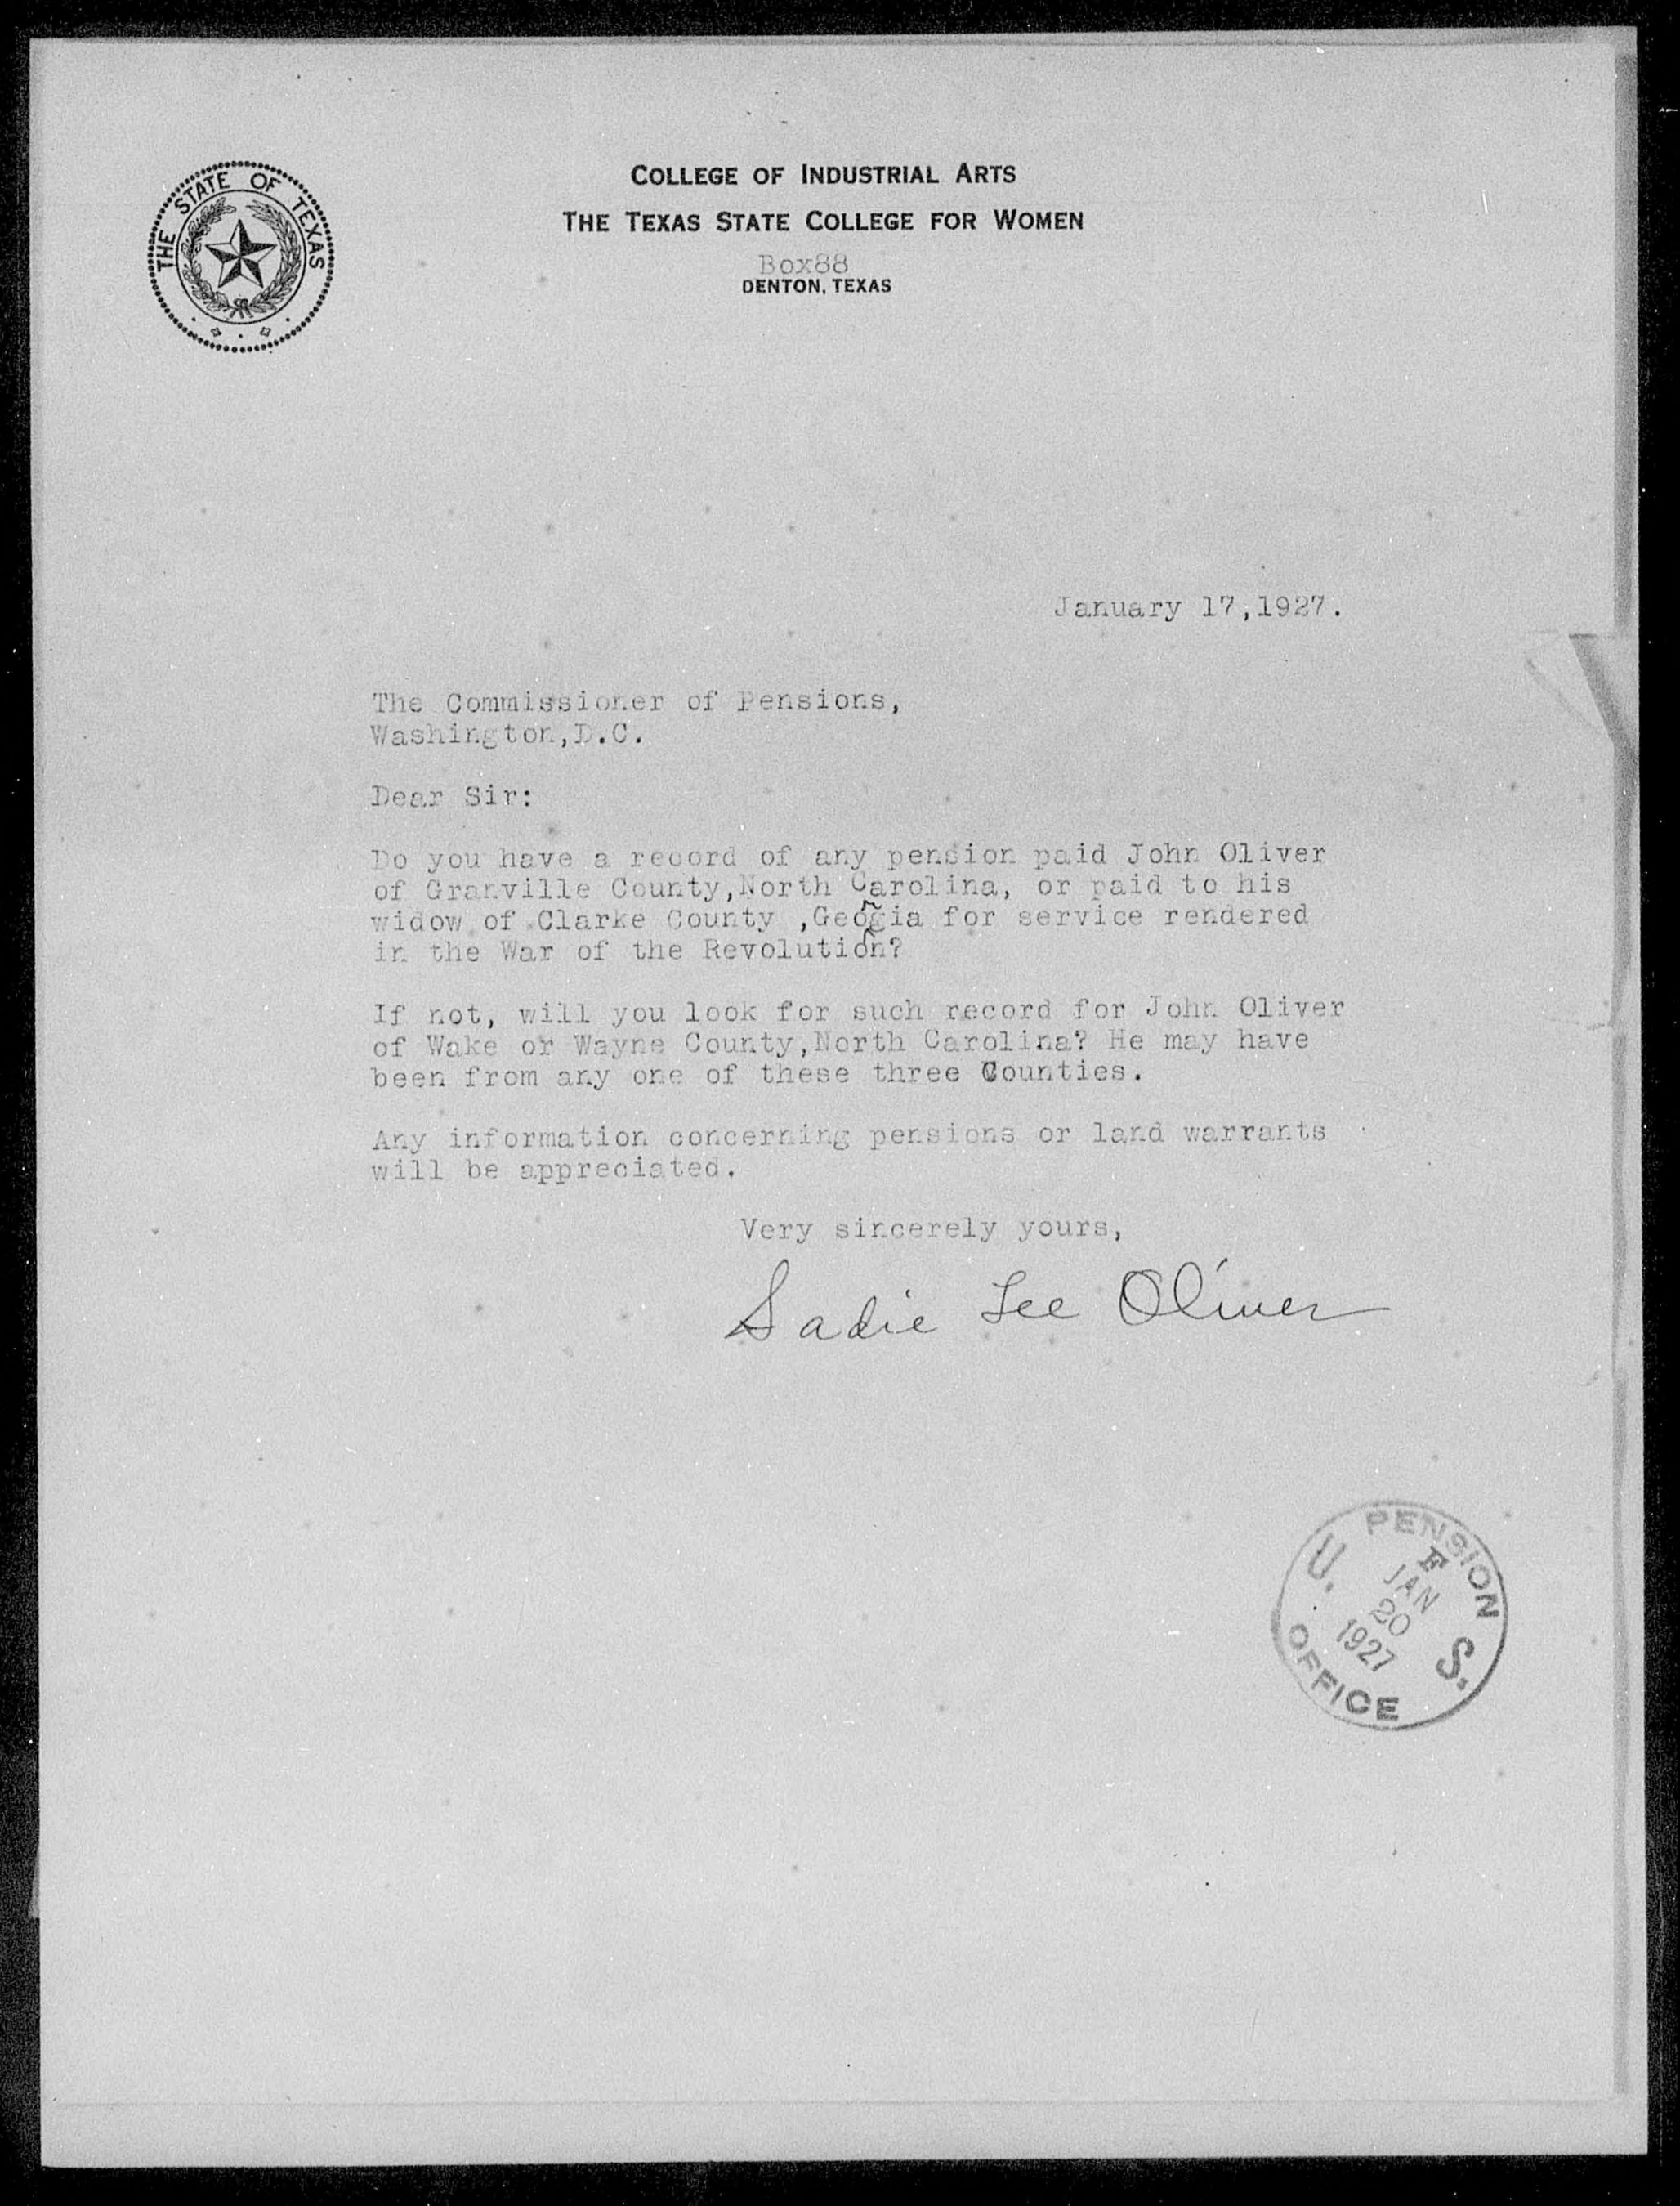(letterhead)
THE STATE OF TEXAS
COLLEGE OF INDUSTRIAL ARTS
THE TEXAS STATE COLLEGE FOR WOMEN
Box 88
DENTON, TEXAS
                    January 17, 1927

The Commissioner of Pensions,
Washington, D.C.

Dear Sir:
Do you have a record of any pension paid John Oliver of Granville County, Georgia for service rendered in the War of the Revolution?

If not, will you look for such record for John Oliver of Wake or Wayne County, North Carolina?  He may have been from any of these three counties.

Any information concerning pensions or land warrants will be appreciated.
            Very sincerely yours,
            Sadie Lee Oliver

(stamp)
U.S. PENSION OFFICE
F
JAN 20 1927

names: Sadie Lee Oliver; John Oliver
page: 26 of 32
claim: survivor's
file: S. 31888, for John Oliver, North Carolina